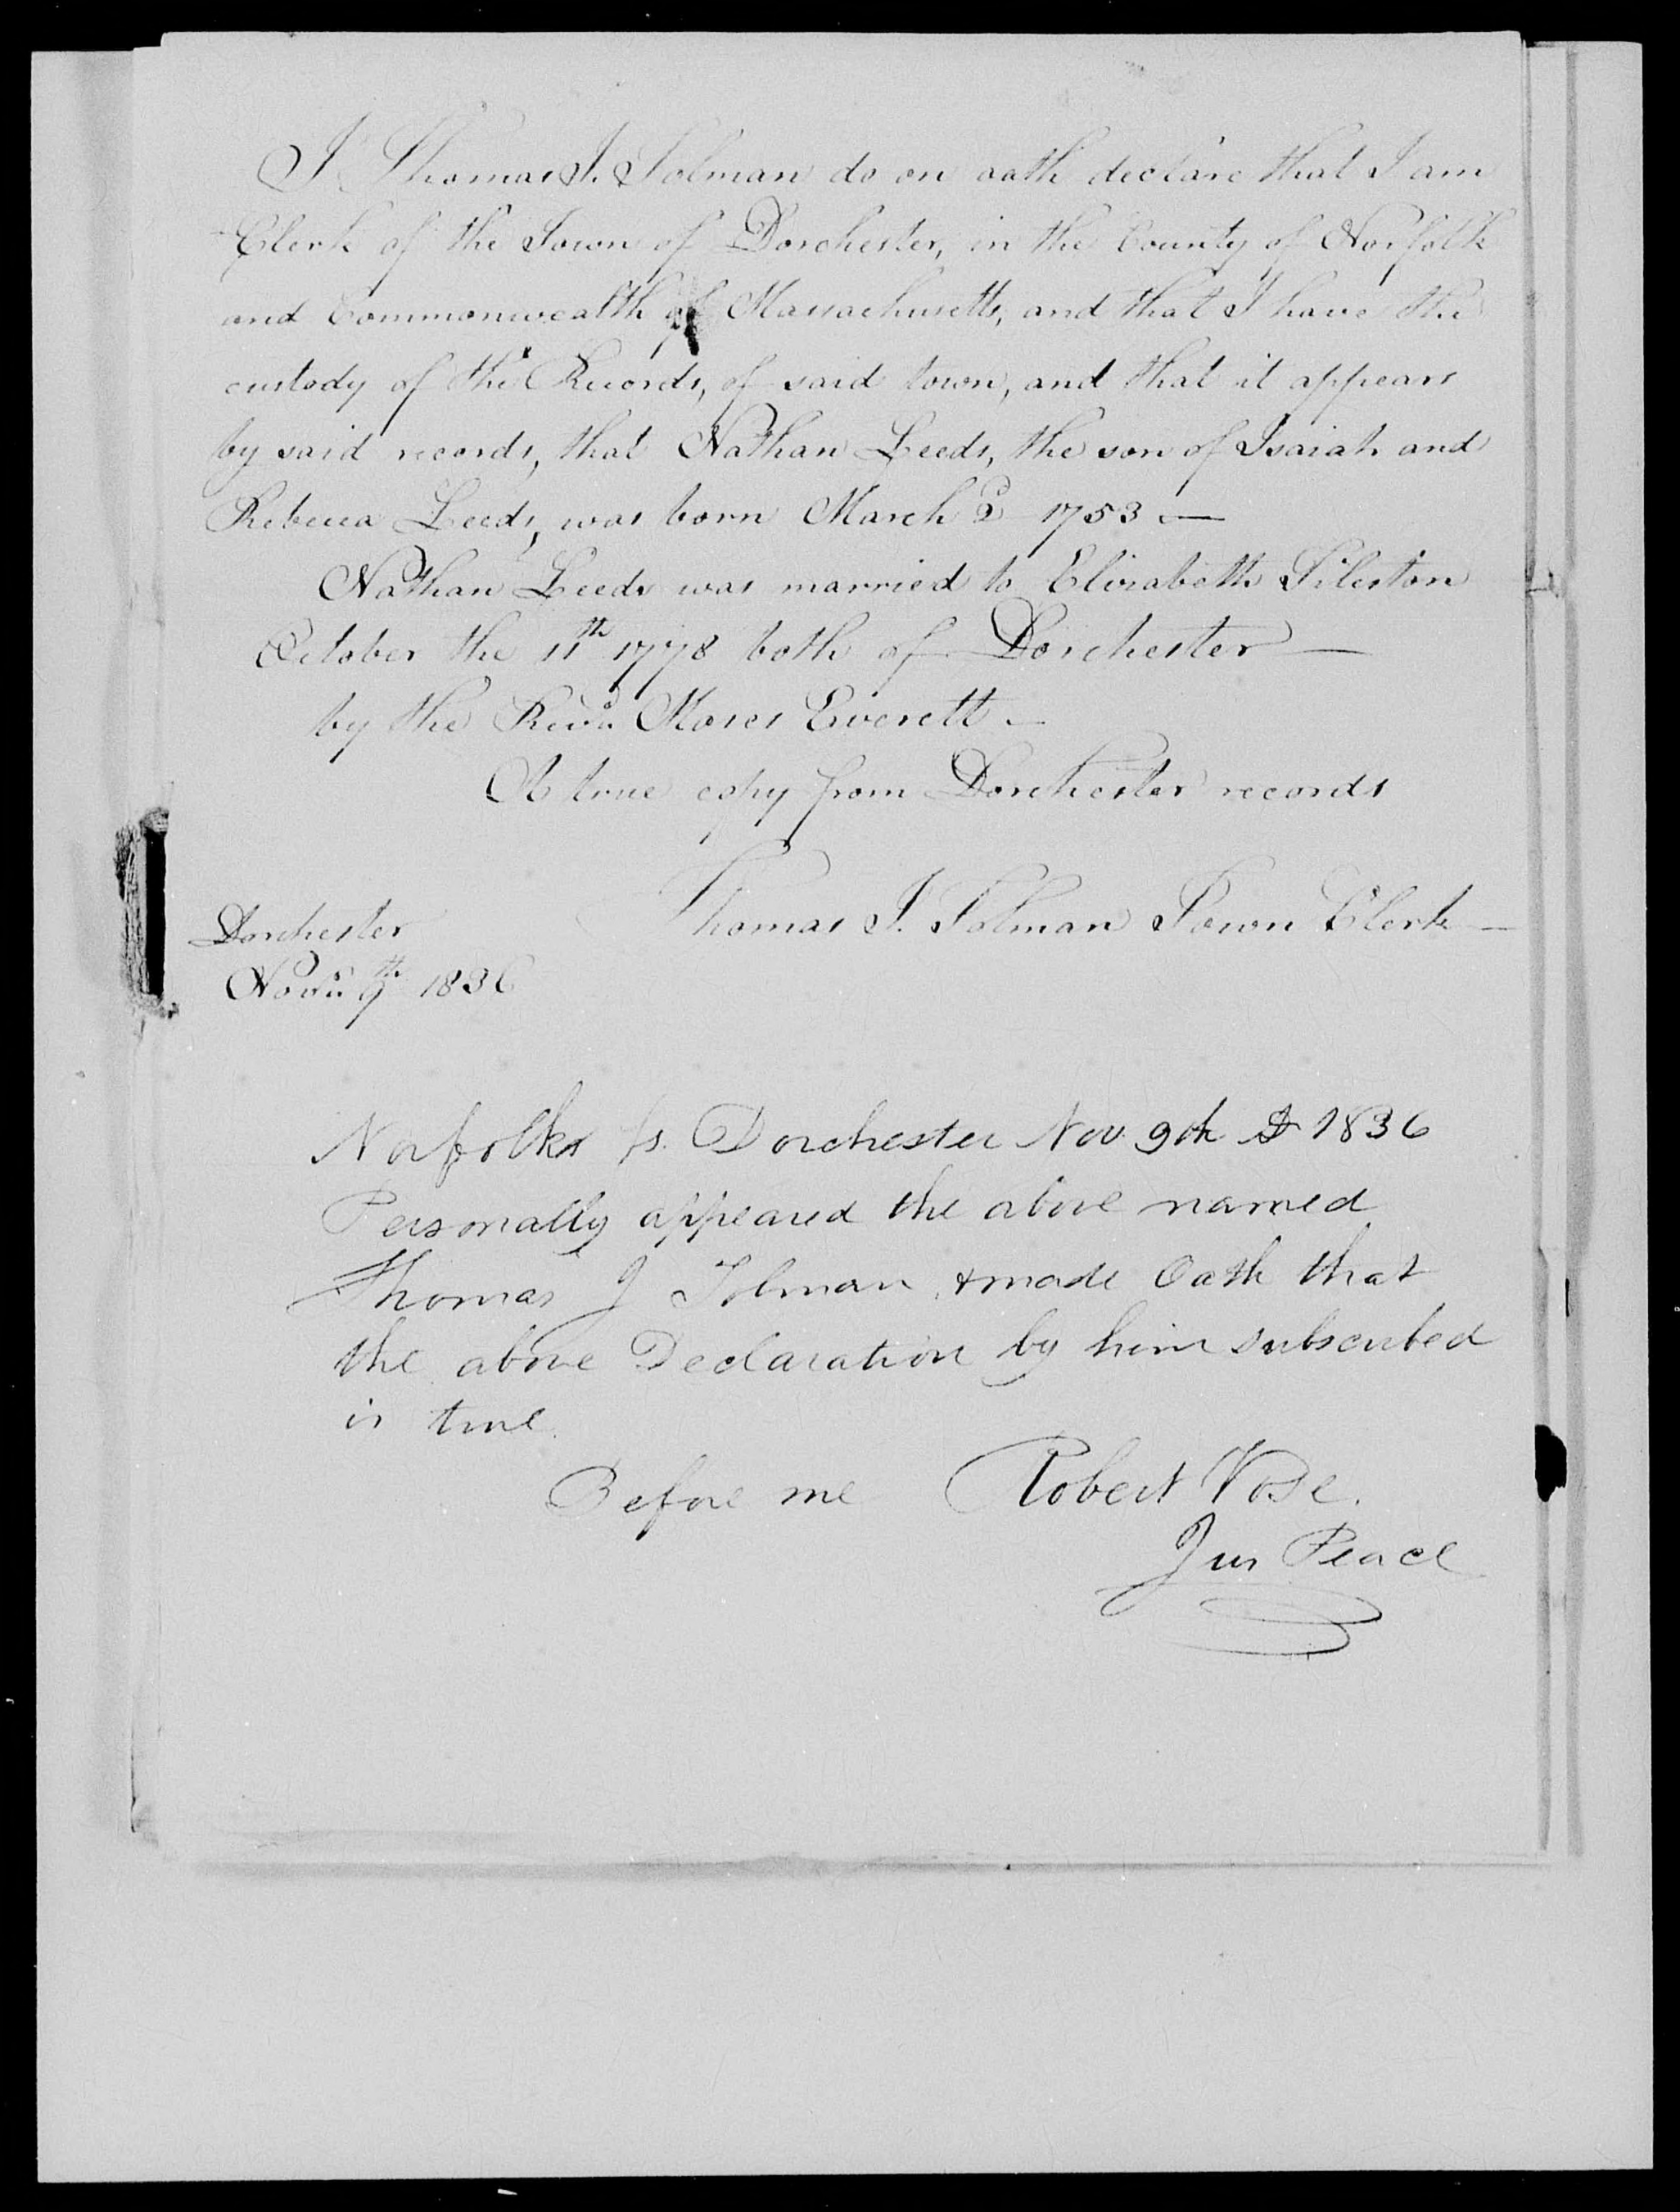I Thomas Tolman do on oath declare that I am clerk of the town of Dorchester, in the County of Norfolk and Commonwealth of Massachusetts, and that I have the custody of the Records, of said town, and that by said records, that Nathan Leeds, the son of Isaiah and Rebecca Leeds, was born March 2, 1753
Nathan Leeds was married to Elizabeth Tileston
October the 11th 1778 both of Dorchester
by the Reverand Moses Everrett
A true copy from Dorchester records
Thomas J. Talman town clerk
Dorchester November 9th 1836
Norfolk S.S. Dorchester November 9th 1836
Personally, appeared the above named Thomas J. Tolman made oath that the above Declaration by him subscribed in true Before me Robert Vose Jus. Peace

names: Rebecca Leeds; Nathan Leeds; Isaiah Leeds; Thomas J Tolman; Robert Vose; Moses Everett; Elizabeth Tileston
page: 5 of 33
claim: widow's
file: W. 21,567, for Nathan Leeds, Massachusetts